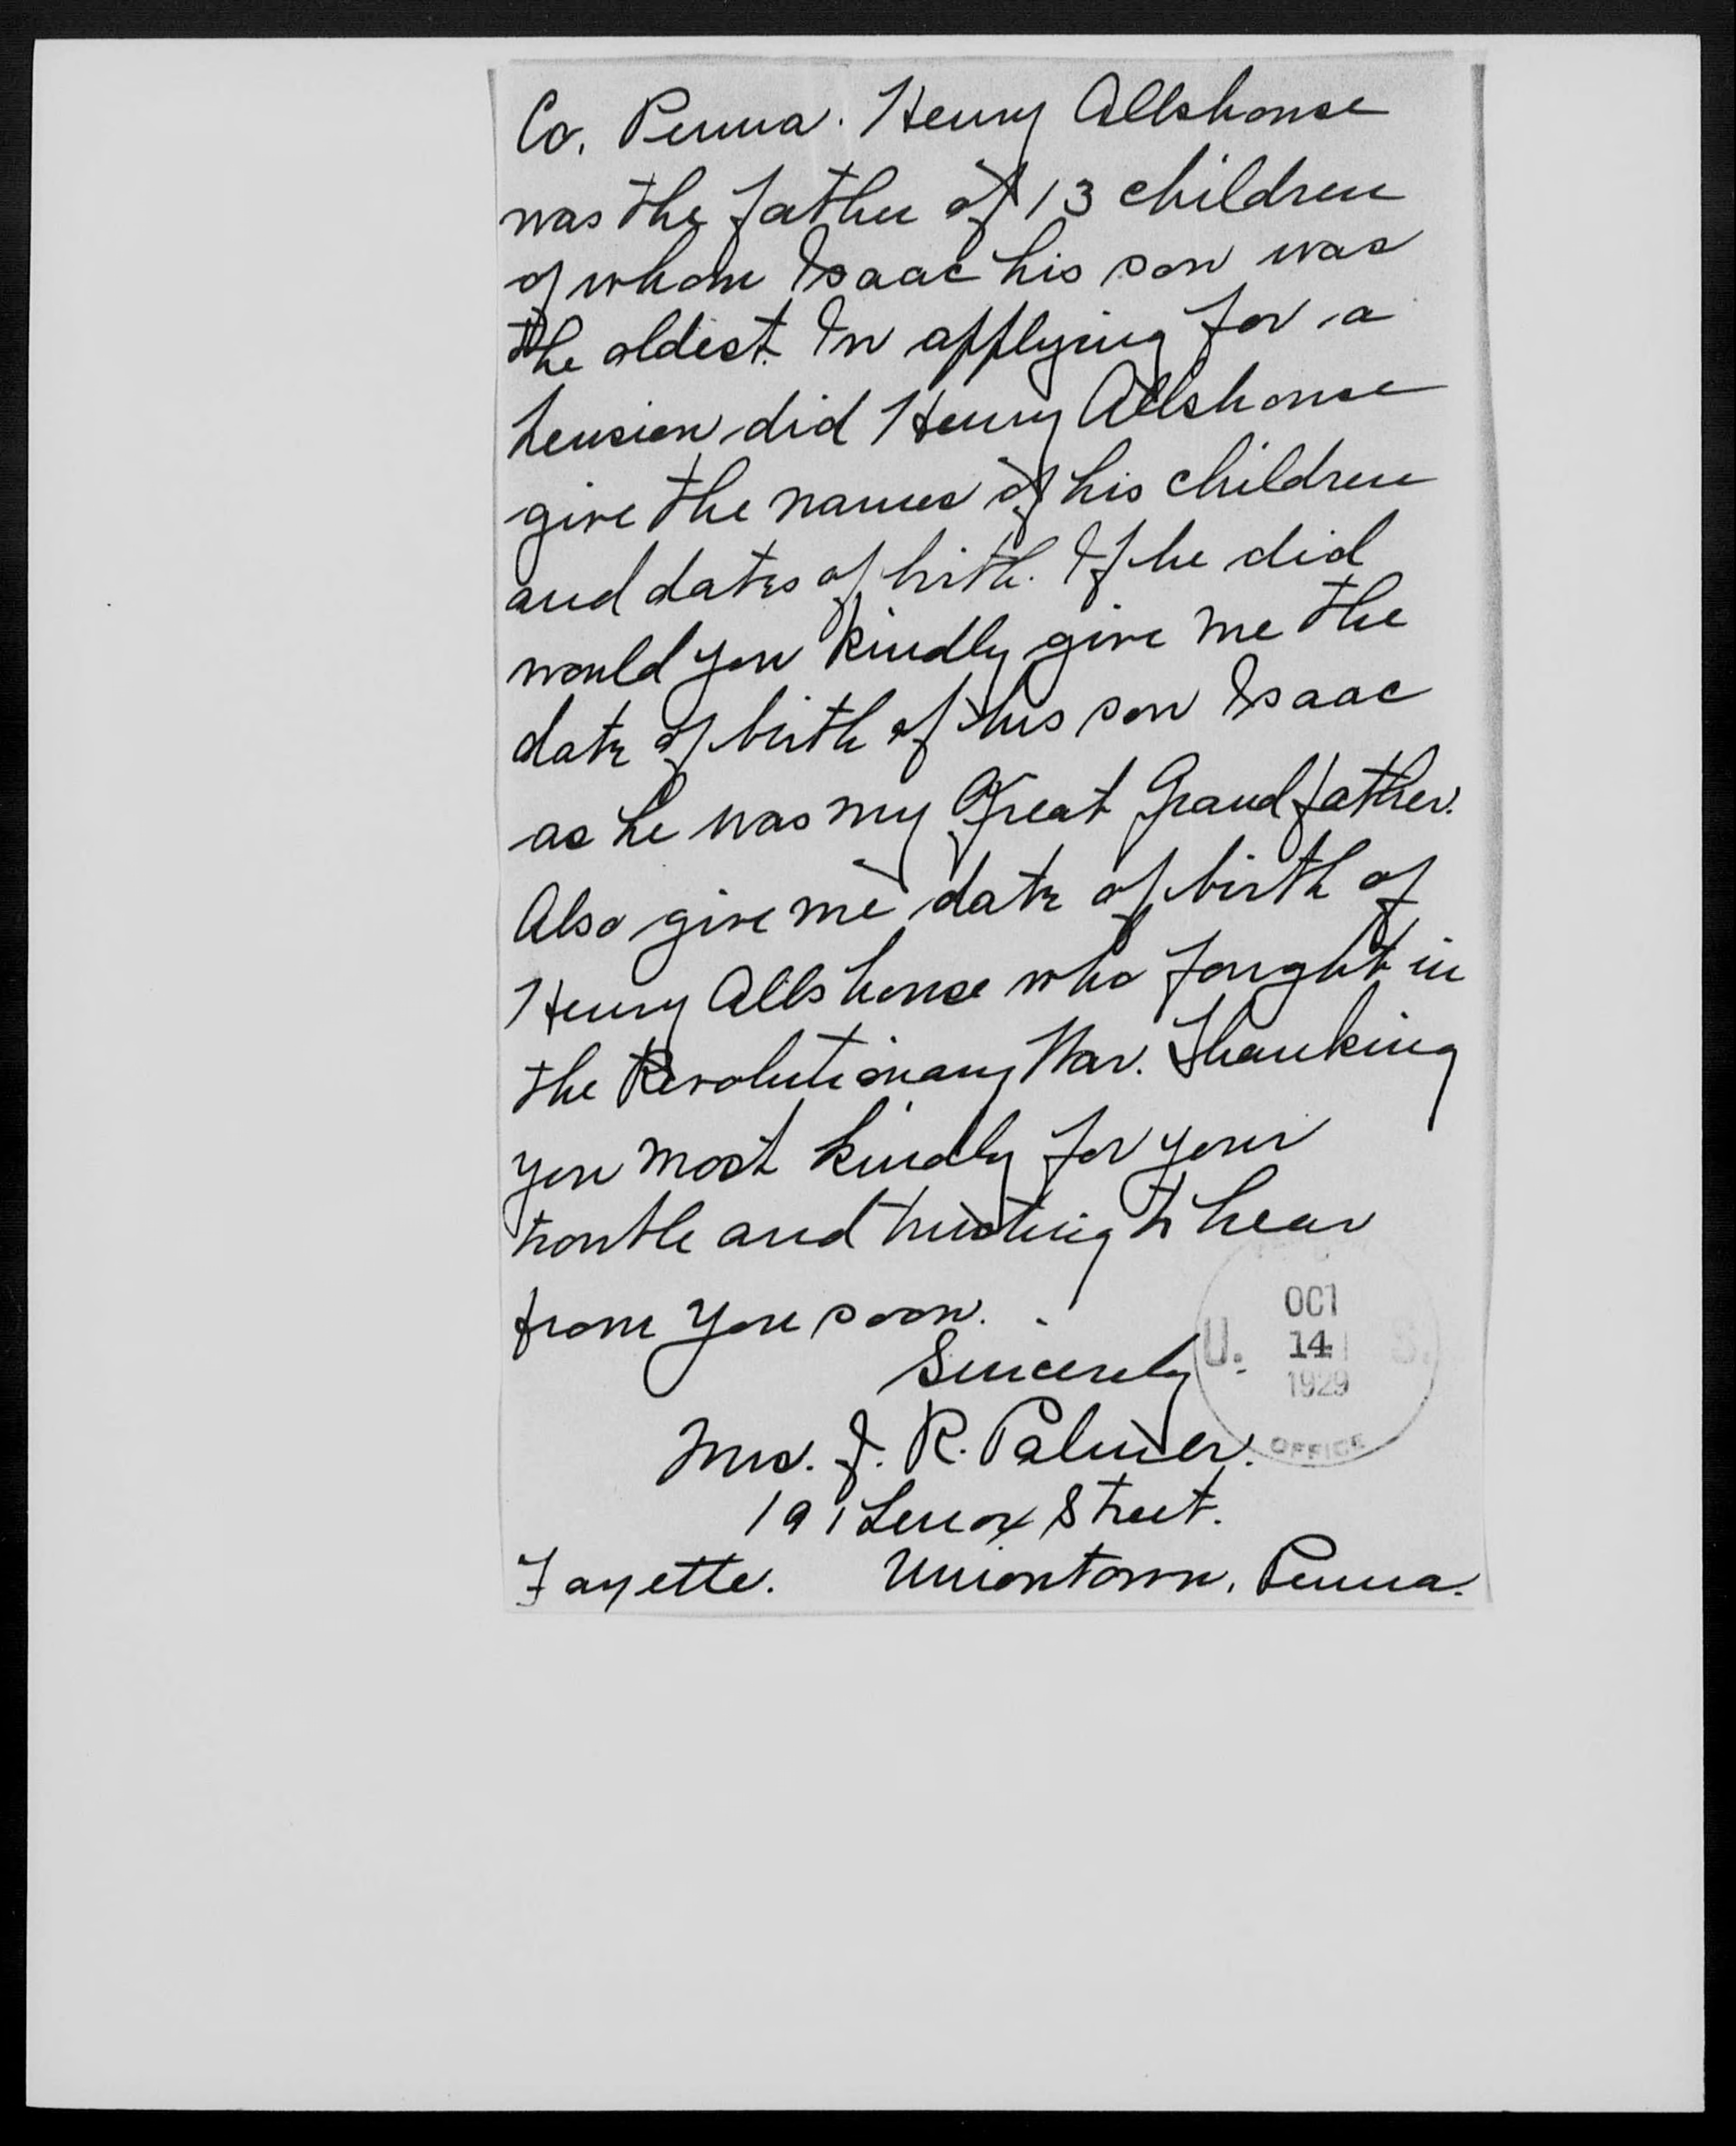Co. Penna.  Henry Allshouse was the father of 13 children of whom Isaac his son was the oldest.  In applying for a pension, did Henry Allshouse give the names of his children and dates of birth & if he did would you kindly give me the date of birth of his son Isaac as he was my Great Grandfather.  Also give me date of birth of Henry Allshouse who fought in the Revolutionary War. Thanking you most kindly for your trouble and trusting to hear from you soon.
Sincerely
Mrs. J. R. Palmer
191 Lenox Street
Fayette Uniontown, Penna.

Date Stamp: Oct 14 1929  U. S. Office Penna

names: Henry Allshouse, Henry Allshouse, Isaac, Henry Allshouse, J R Palmer, Isaac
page: 19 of 24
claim: survivor's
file: S. 2032, Henry Allshouse, Penn.